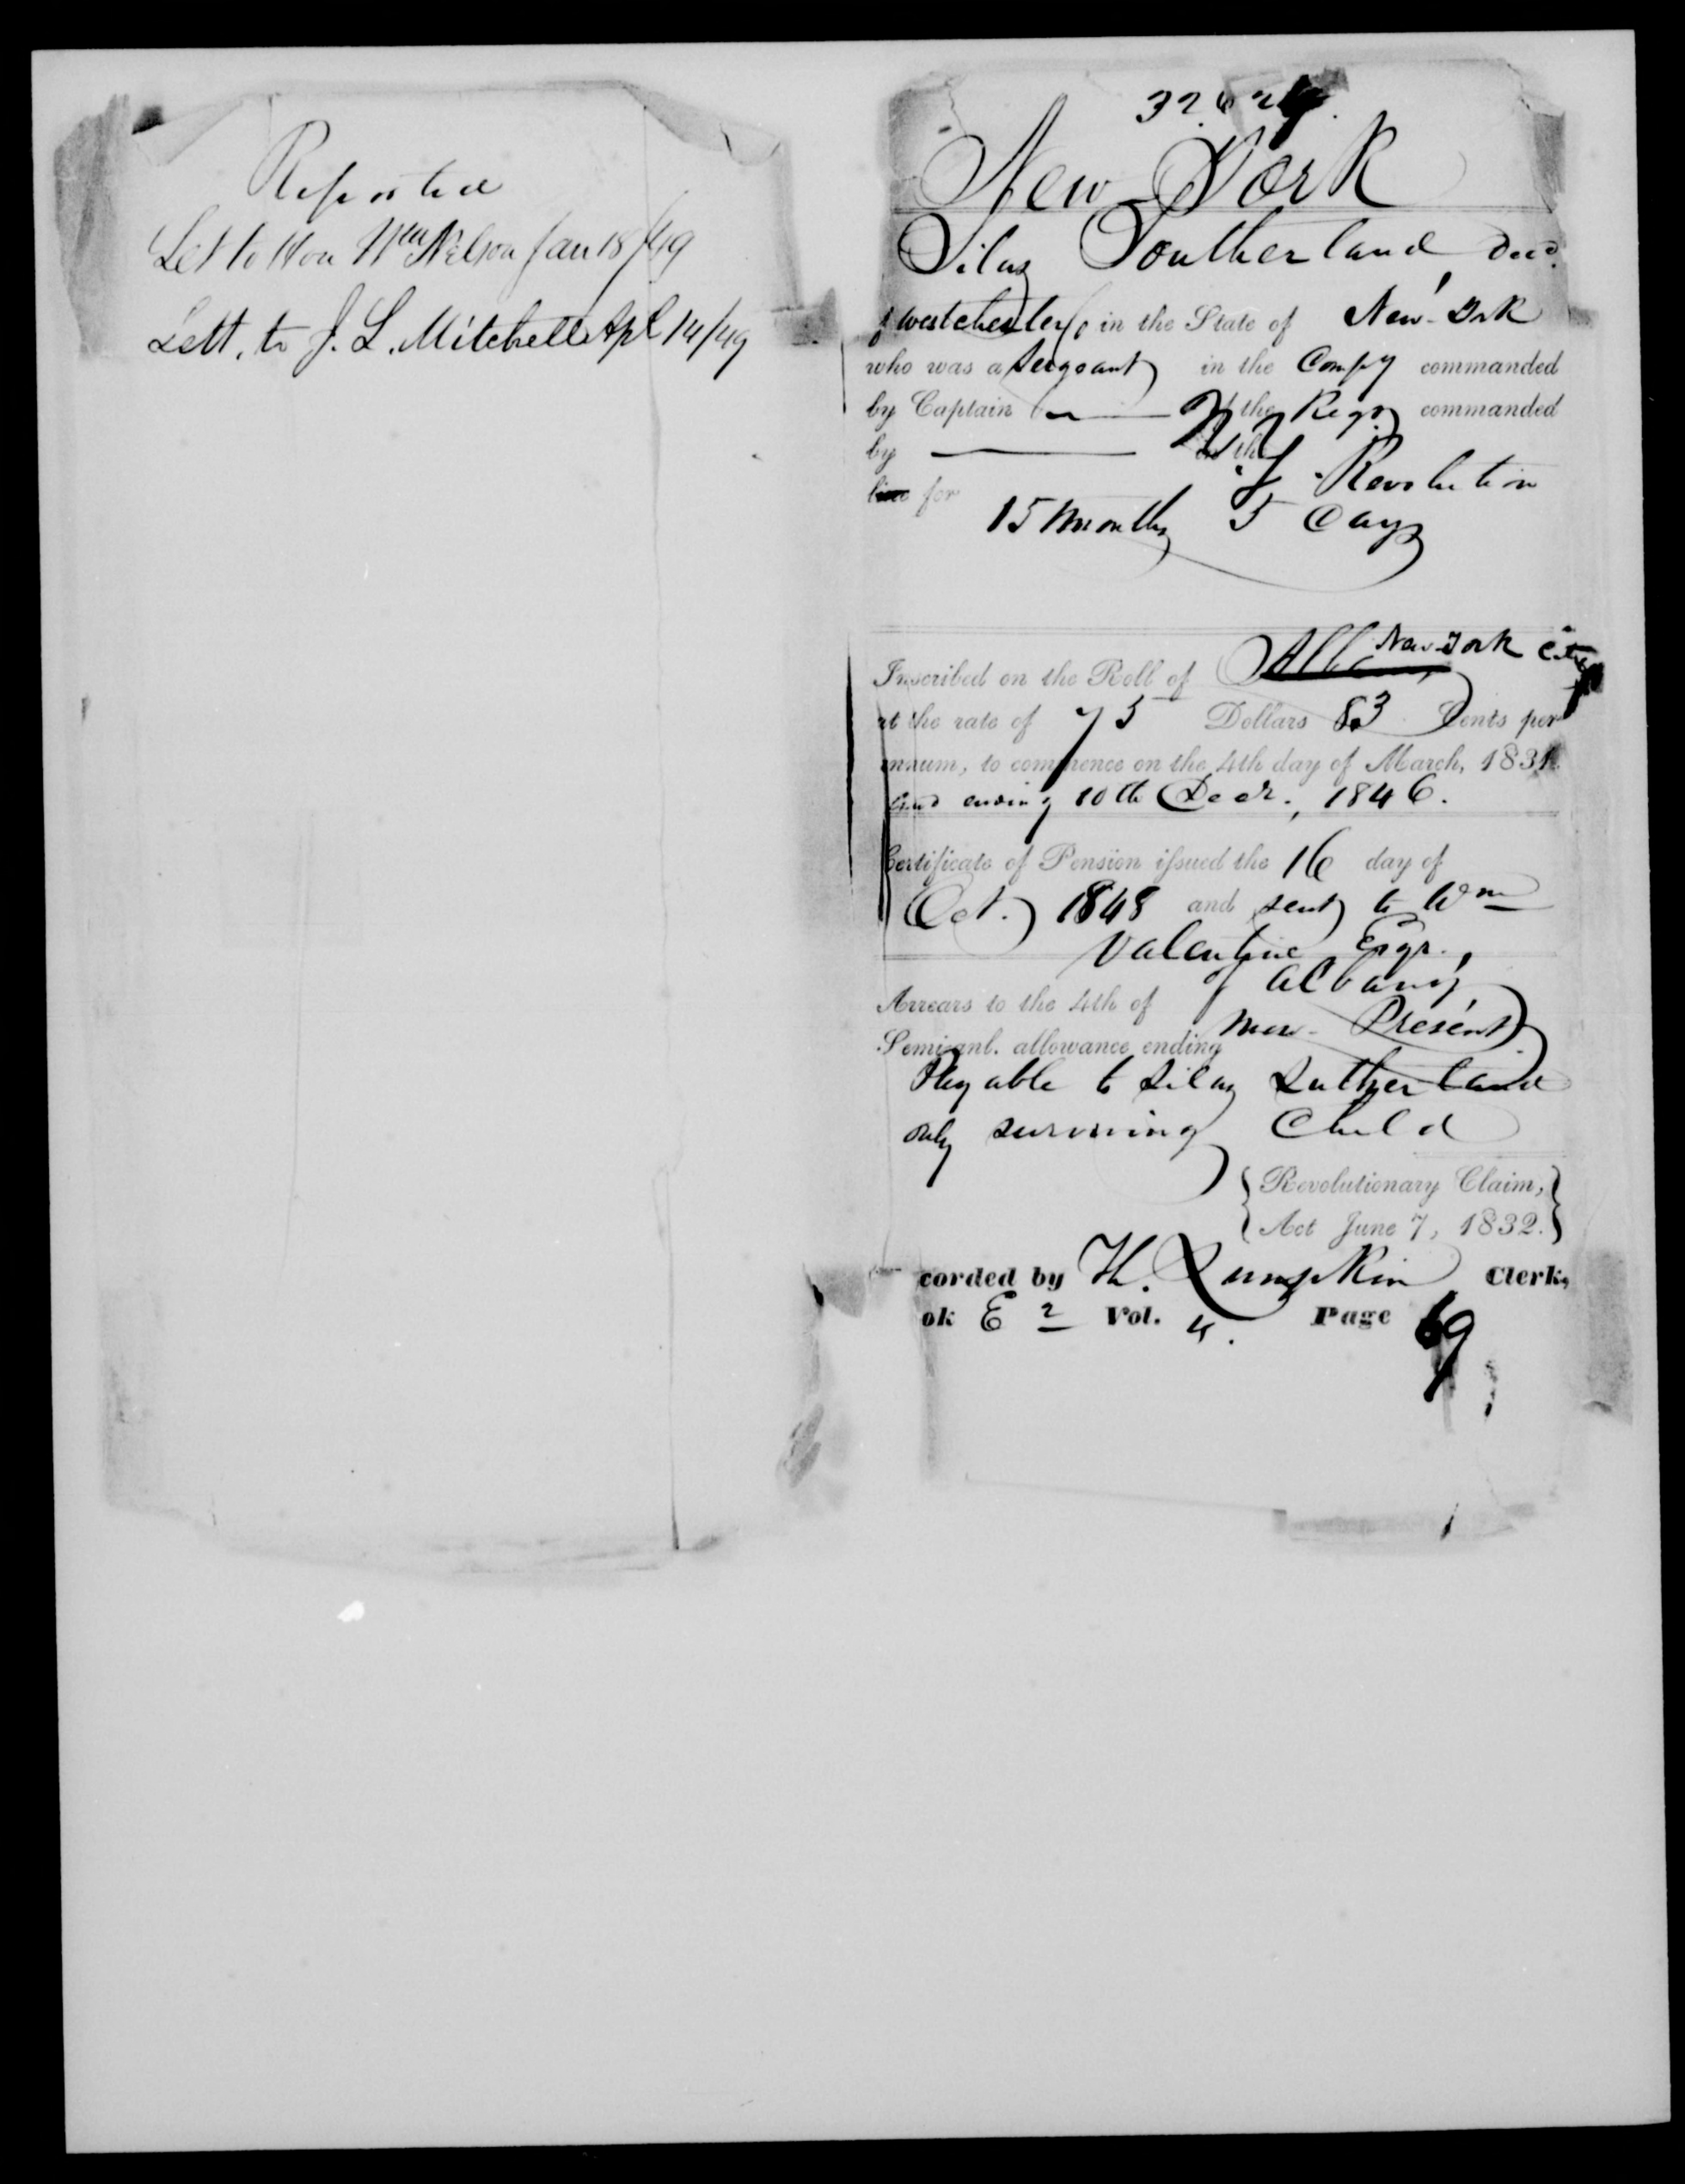Reported
Let to Hon Wm Nelson Jan18 /49
Lett. to J.L. Mitchell Apr 14 /49

3262 [ink smeared]
New York

Silas Southerland, decd. of Westchester Co in the State of New York who was a Sergeant in the Compy commanded by Captain --- in the Regt. commanded by --- in the N.Y. Revolution [line crossed out] for 15 months, 5 days

Inscribed on the Roll of [Albany -crossed out] New York City at the rate of 75 Dollars 83 Cents per annum, to commence on the 4th day of March 1831 and ending 10th Decr., 1846.

Certificate of Pension issued the 16 day of Oct. 1848 and sent to Wm Valentine Esqr. of Albany
Now Present

Arrears to the 4th of [blank] Semi anl. allowance ending Mar- Payable to Silas Sutherland only surviving child

{Revolutionary Claim,
Act June 7, 1832}

Recorded by Th. Lumpkin Clerk,
Book E2 Vol. 4 Page 69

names: Wm Valentine; Silas Sutherland; Wm Nelson; J L Mitchell; Th Lumpkin; Silas Southerland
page: 2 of 77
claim: survivor's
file: S. 23003, for Silas Southerland, New York